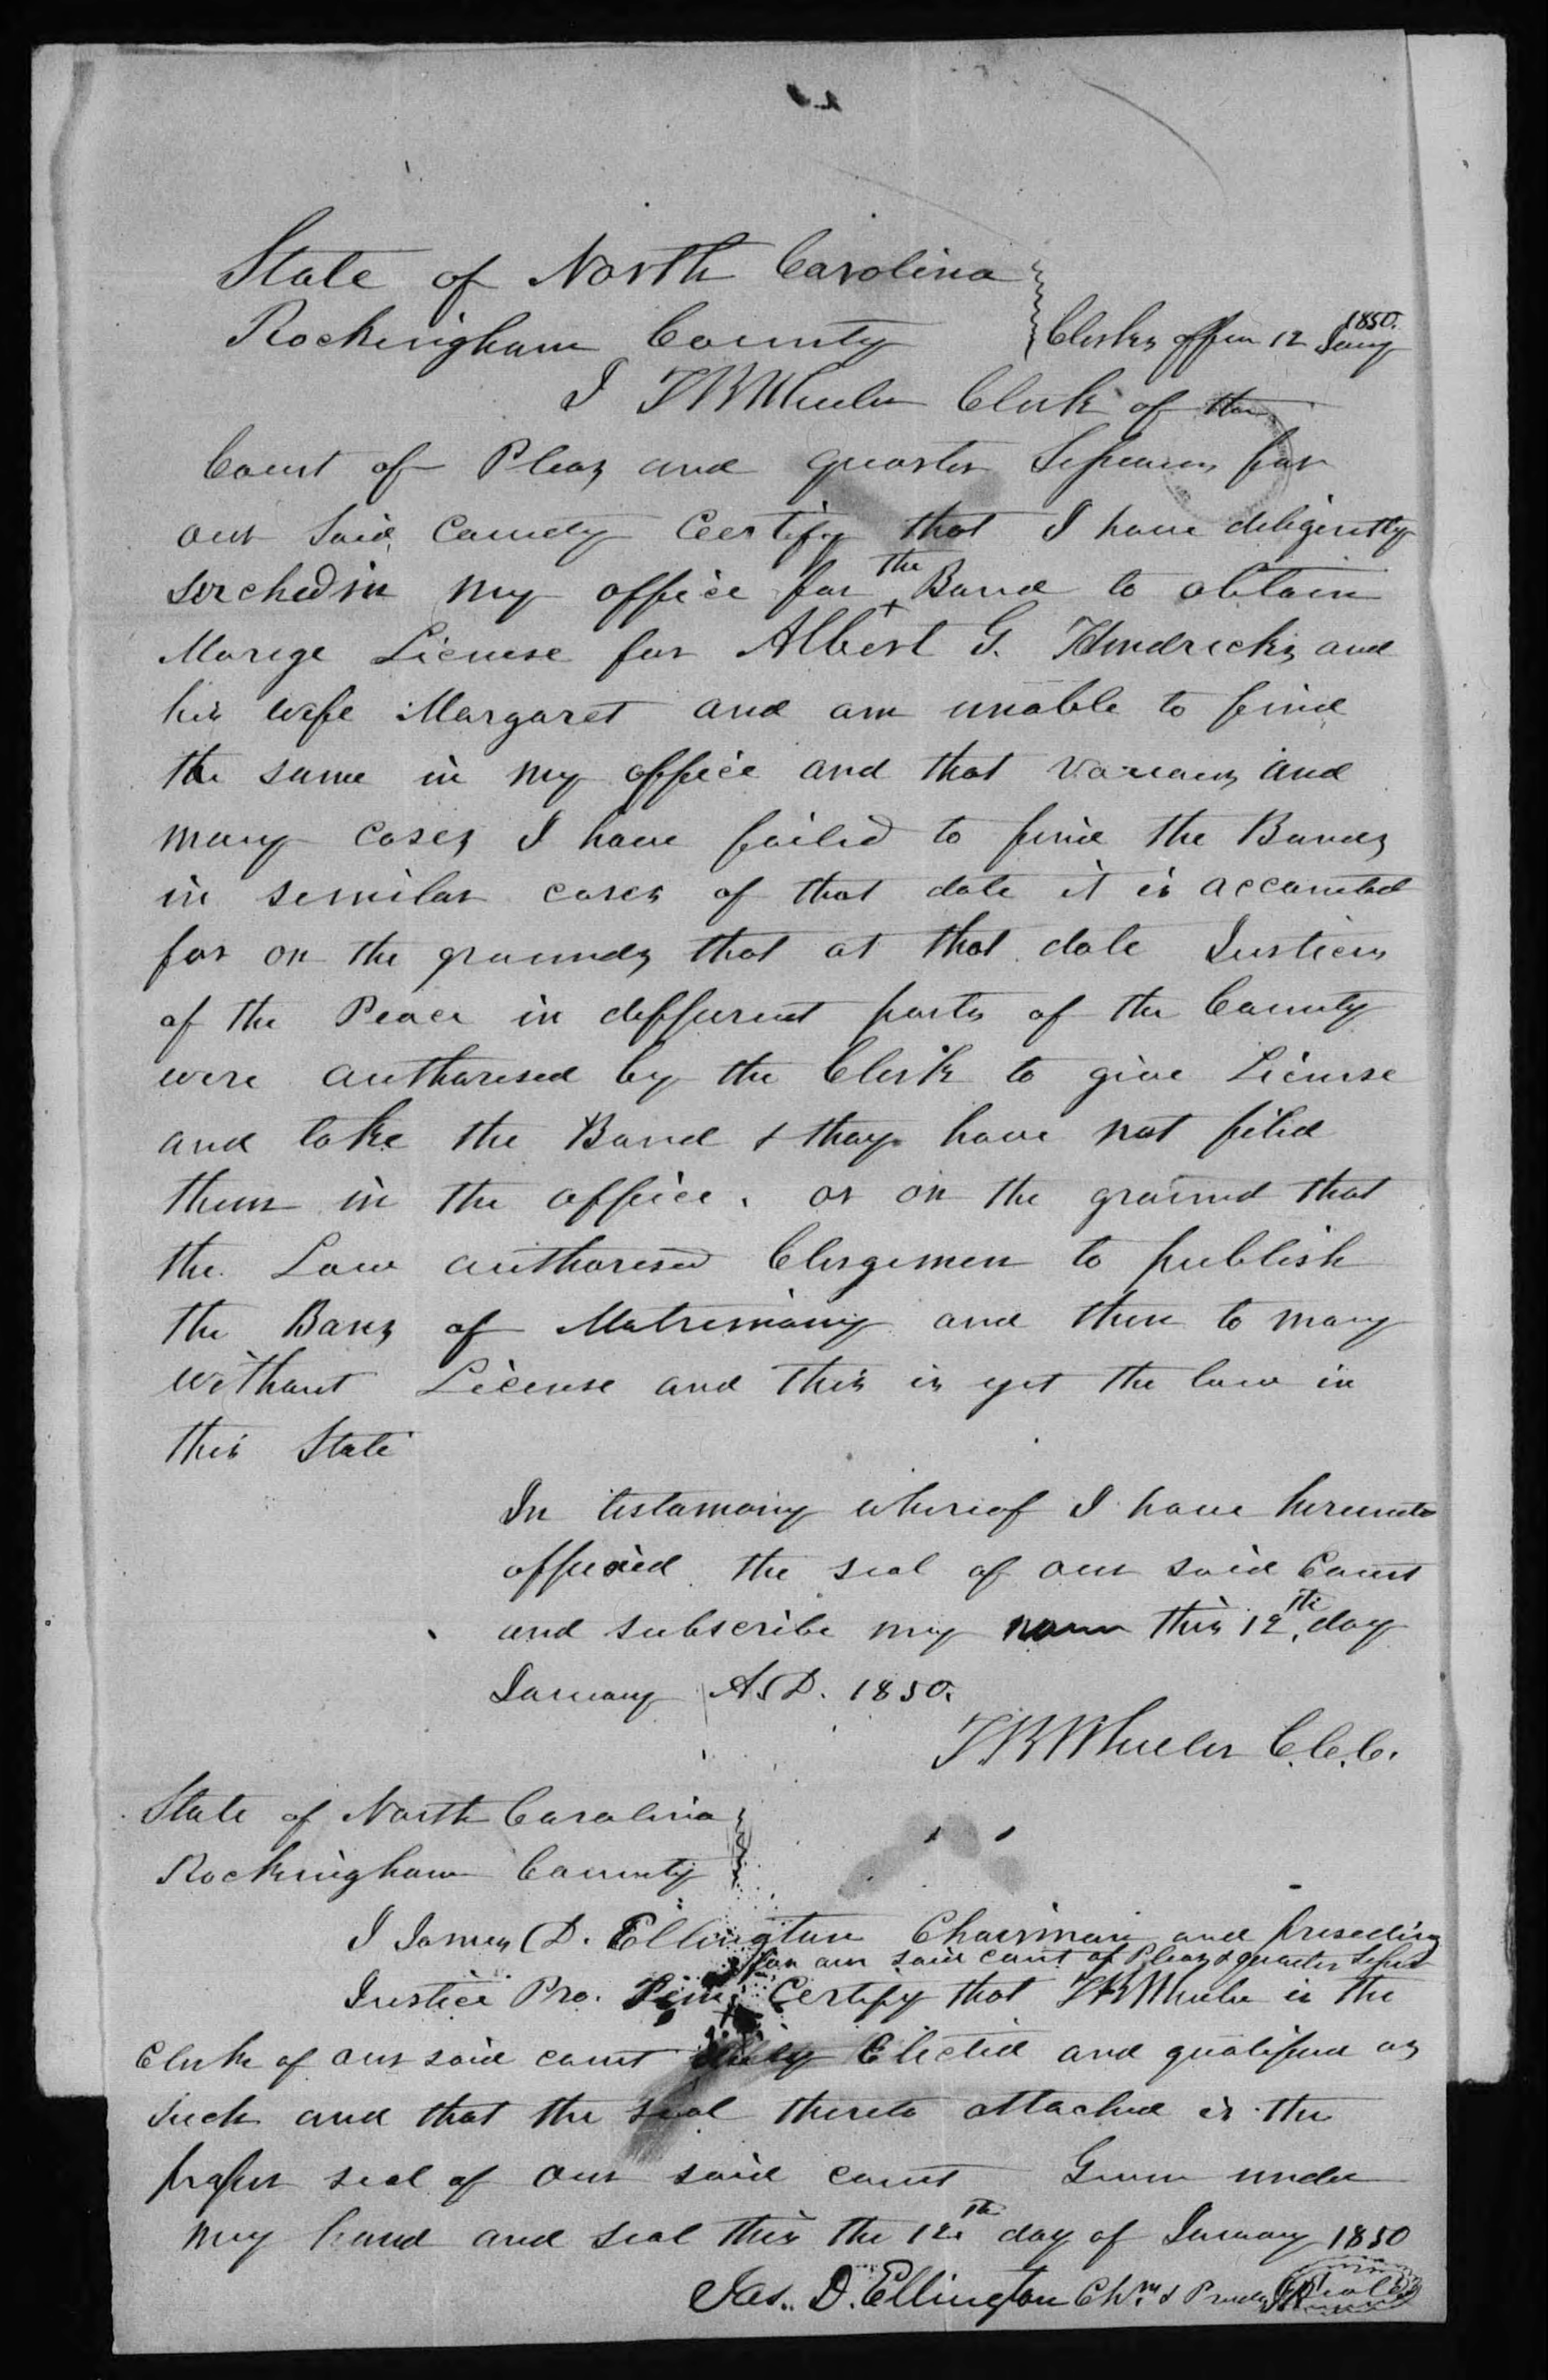State of North Carolina 
Rockingham County 

Clerks Office 12 Jany 1850 

I T B Wheeler clerk of the court of pleas and quarter [illegible] for [illegible] said county certify that I diligently searched my office for the Bond to obtain Marriage license for Albert G Hendricks and his wife Margaret and am unable to find any cases. I have failed to find the Bonds in similar cases of that date it is accounted for on the grounds that at that date Justices of the Peace in different parts of the county were authorized by the clerk to give license and to be take the Bond + they have not filed them in the office as on the ground that the law authorized clergymen to publish the Bonds of Matrimony and there too many without license and this is yet the law in this state. 

In testimony whereof I have hereunto affixed the seal of our said court and subscribe mu name this 12th day of January A.D. 1850 
T B Wheeler Clk 

State of North Carolina 
Rockingham COunty 

I James D. Ellington Chairman and presiding Justice Pro. [illegible] for our said court of Pleas + quarter [illegible] certify that T B Wheeler is the clerk of our said court duly elected and qualified as such and that the seal thereto attached is the proper seal of our said court. Given under my hand and seal this the 12th day of January 1850. 
Jas. D. Ellington Chm + [illegible] seal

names: T B Wheeler, Jas D Ellington, T B Wheeler, James D Ellington, Margaret, Albert G Hendricks, T B Wheeler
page: 65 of 76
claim: widow's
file: W. 83, Albert Hendricks, Continental Md. N.C.